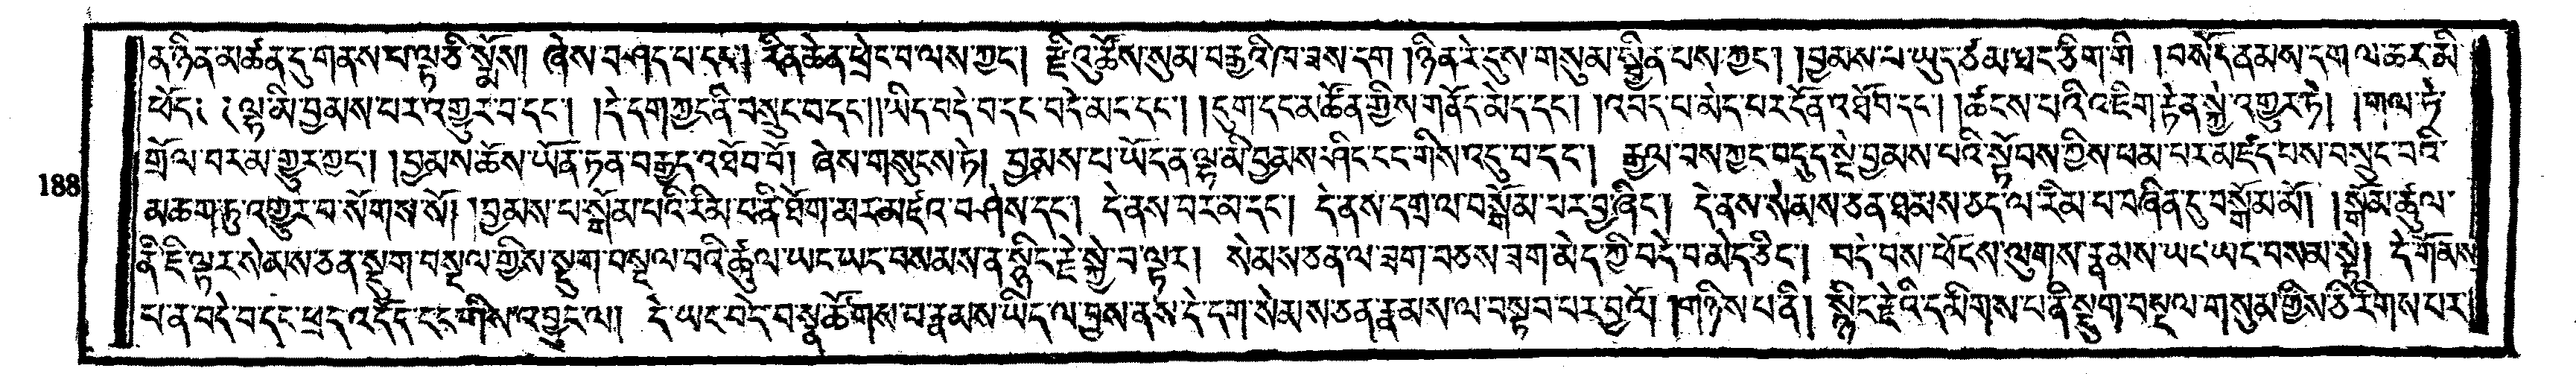ན་ཉིན་མཚན་དུ་གནས་པ་ལྟ་ཅི་སྨོས། ཞེས་བཤད་པ་དང་།རིན་ཆེན་ཕྲེང་བ་ལས་ཀྱང་། རྫིའུ་ཚོས་སུམ་བརྒྱའི་ཁ་ཟས་དག །ཉིན་རེ་དུས་གསུམ་སྦྱིན་པས་ཀྱང་། །བྱམས་པ་ཡུད་ཙམ་ཐང་ཅིག་གི །བསོད་ནམས་དག་ལ་ཆར་མི་
ཕོད༑ ༑ལྷ་མི་བྱམས་པར་འགྱུར་བ་དང་། །དེ་དག་ཀྱང་ནི་བསྲུང་བ་དང་། །ཡིད་བདེ་བ་དང་བདེ་མང་དང་། །དུག་དང་མཚོན་གྱིས་གནོད་མེད་དང་། །འབད་པ་མེད་པར་དོན་འཐོབ་དང་། །ཚངས་པའི་འཇིག་རྟེན་སྐྱེ་འགྱུར་ཏེ། །གལ་ཏེ་
གྲོལ་བར་མ་གྱུར་ཀྱང་། །བྱམས་ཆོས་ཡོན་ཏན་བརྒྱད་འཐོབ་བོ། ཞེས་གསུངས་ཏེ། བྱམས་པ་ཡོད་ན་ལྷ་མི་བྱམས་ཤིང་ངང་གིས་འདུ་བ་དང་། རྒྱལ་བས་ཀྱང་བདུད་སྡེ་བྱམས་པའི་སྟོབས་ཀྱིས་ཕམ་པར་མཛད་པས་བསྲུང་བའི་
མཆག་ཏུ་འགྱུར་བ་སོགས་སོ། །བྱམས་པ་སྒོམ་པའི་རིམ་བ་ནི་ཐོག་མར་མཛའ་བཤེས་དང་། དེ་ནས་བར་མ་དང་། དེ་ནས་དགྲ་ལ་བསྒོམ་པར་བྱ་ཞིང་། དེ་ནས་སེམས་ཅན་ཐམས་ཅད་ལ་རིམ་པ་བཞིན་དུ་བསྒོམ་མོ། །སྒོམ་ཚུལ་
ནི་ཇི་ལྟར་སེམས་ཅན་སྡུག་བསྔལ་གྱིས་སྡུག་བསྔལ་བའི་ཚུལ་ཡང་ཡང་བསམས་ན་སྙིང་རྗེ་སྐྱེ་བ་ལྟར། སེམས་ཅན་ལ་ཟག་བཅས་ཟག་མེད་ཀྱི་བདེ་བ་མེད་ཅིང་། བདེ་བས་ཕོངས་ལུགས་རྣམས་ཡང་ཡང་བསམ་སྟེ། དེ་གོམས་
པ་ན་བདེ་བ་དང་ཕྲད་འདོད་ངག་གིས་འབྱུང་ལ། དེ་ཡང་བདེ་བ་སྣ་ཚོགས་པ་རྣམས་ཡིད་ལ་བྱས་ནས་དེ་དག་སེམས་ཅན་རྣམས་ལ་བསྟབ་པར་བྱའོ། །གཉིས་པ་ནི། སྙིང་རྗེའི་དམིགས་པ་ནི་སྡུག་བསྔལ་གསུམ་གྱིས་ཅི་རིགས་པར།